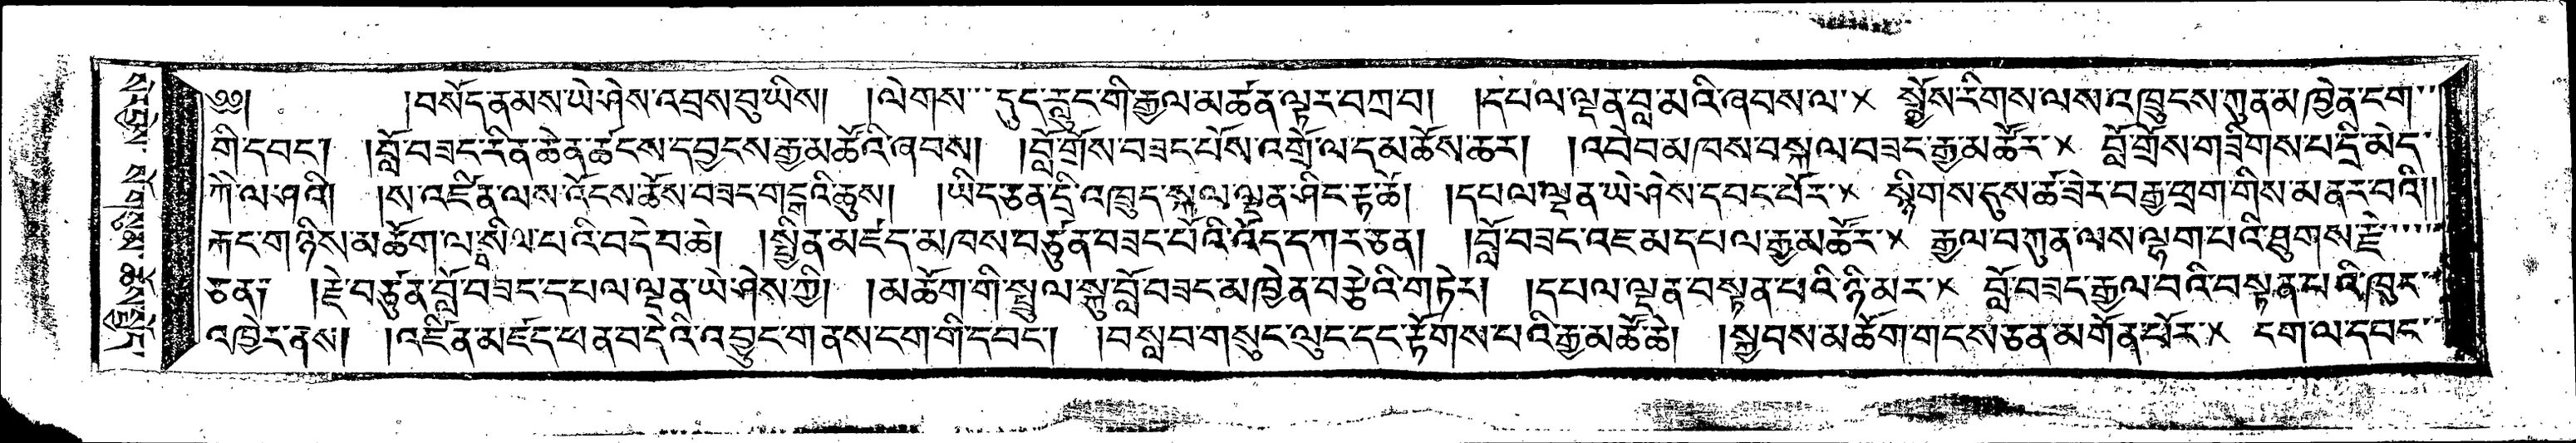༄༅། །བསོད་ནམས་ཡེ་ཤེས་འབྲས་བུ་ཡིས། །ལེགས་དུད་རླུང་གི་རྒྱལ་མཚན་ལྟར་བཀྲ་བ། །དཔལ་ལྡན་བླ་མའི་ཞབས་ལ་{྾}་སྨྱོས་རིགས་ལས་འཁྲུངས་ཀུན་མཁྱེན་ངག་
གི་དབང་། །བློ་བཟང་རིན་ཆེན་ཚངས་དབྱངས་རྒྱ་མཚོའི་ཞབས། །བློ་གྲོས་བཟང་པོས་འགྲོ་ལ་དམ་ཆོས་ཆར། །འབེབ་མཁས་བསྐལ་བཟང་རྒྱ་མཚོར་{྾}་བློ་གྲོས་གཟིགས་པ་དྲི་མེད་
ཀཻ་ལ་ཤའི། །ས་འཛིན་ལས་འོངས་ཆོས་བཟང་གངྒའི་ཆུས། །ཡིད་ཅན་དྲི་འཁྲུད་སྐལ་ལྡན་ཤིང་རྟ་ཚེ། །དཔལ་ལྡན་ཡེ་ཤེས་དབང་པོར་{྾}་སྙིགས་དུས་ཚ་ཟེར་བརྒྱ་ཕྲག་གིས་མནར་བའི། །
རྐང་གཉིས་མཆོག་ལ་བསིལ་པའི་བདེ་བ་ཆེ། །སྤྱིན་མཛད་མཁས་བཙུན་བཟང་པོའི་འོད་དཀར་ཅན། །བློ་བཟང་འཇམ་དཔལ་རྒྱ་མཚོར་{྾}་རྒྱལ་བ་ཀུན་ལས་ལྷག་པའི་ཐུགས་རྗེ་
ཅན༑ །རྗེ་བཙུན་བློ་བཟང་དཔལ་ལྡན་ཡེ་ཤེས་ཀྱི། །མཆོག་གི་སྤྲུལ་སྐུ་བློ་བཟང་མཁྱེན་བརྩེའི་གཏེར། །དཔལ་ལྡན་བསྟན་པའི་ཉི་མར་{྾}་བློ་བཟང་རྒྱལ་བའི་བསྟན་པའི་ཁུར་
འཁྱེར་ནས། །འཛིན་མཛད་ཕན་བ་དེའི་འབྱུང་གནས་ངག་གི་དབང་། །བསླབ་གསུང་ལུང་དང་རྟོགས་པའི་རྒྱ་མཚོ་ཆེ། །སྐྱབས་མཆོག་གངས་ཅན་མགོན་པོར་{྾}་ངག་ལ་དབང་